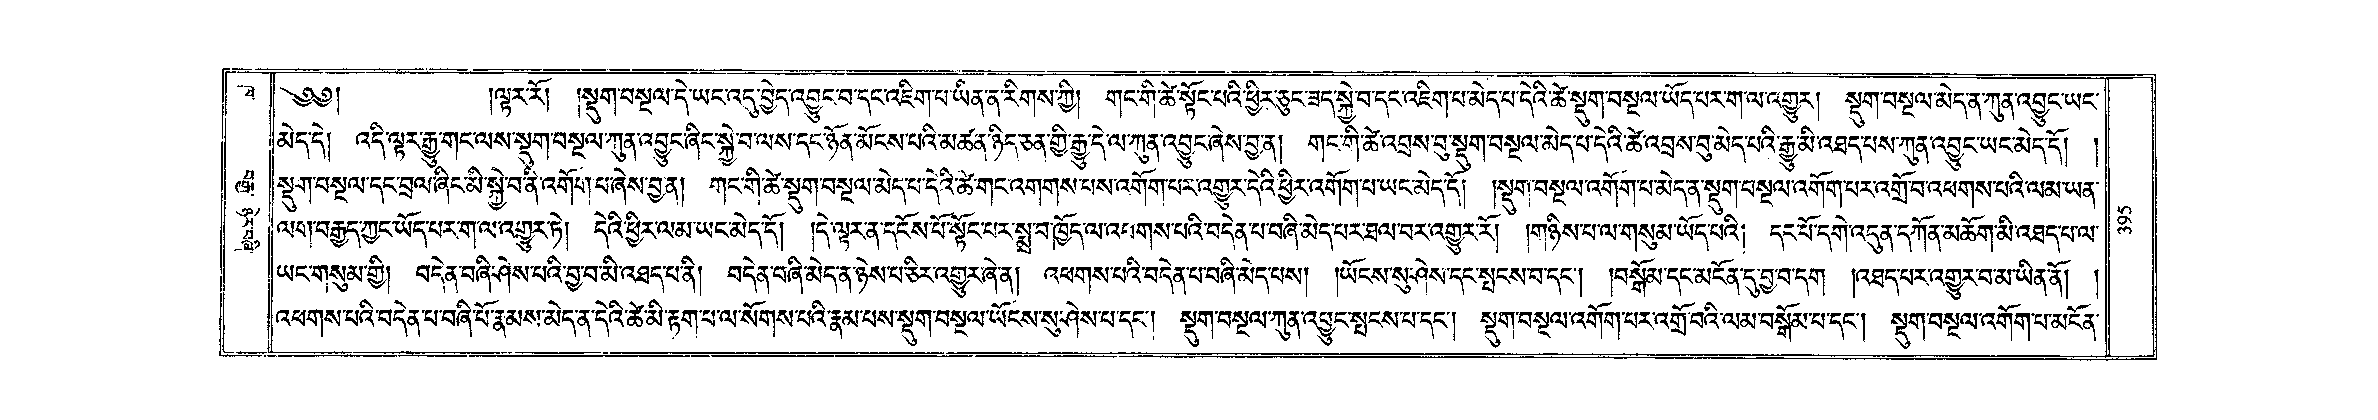༄༅། །ལྟར་རོ། །སྡུག་བསྔལ་དེ་ཡང་འདུ་བྱེད་འབྱུང་བ་དང་འཇིག་པ་ཡིན་ན་རིགས་ཀྱི། གང་གི་ཚེ་སྟོང་པའི་ཕྱིར་ཅུང་ཟད་སྐྱེ་བ་དང་འཇིག་པ་མེད་པ་དེའི་ཚེ་སྡུག་བསྔལ་ཡོད་པར་ག་ལ་འགྱུར། སྡུག་བསྔལ་མེད་ན་ཀུན་འབྱུང་ཡང་
མེད་དེ། འདི་ལྟར་རྒྱུ་གང་ལས་སྡུག་བསྔལ་ཀུན་འབྱུང་ཞིང་སྐྱེ་བ་ལས་དང་ཉོན་མོངས་པའི་མཚན་ཉིད་ཅན་གྱི་རྒྱུ་དེ་ལ་ཀུན་འབྱུང་ཞེས་བྱ་ན། གང་གི་ཚེ་འབྲས་བུ་སྡུག་བསྔལ་མེད་པ་དེའི་ཚེ་འབྲས་བུ་མེད་པའི་རྒྱུ་མི་འཐད་པས་ཀུན་འབྱུང་ཡང་མེད་དོ། །
སྡུག་བསྔལ་དང་བྲལ་ཞིང་མི་སྐྱེ་བ་ནི་འགོག་པ་ཞེས་བྱ་ན། གང་གི་ཚེ་སྡུག་བསྔལ་མེད་པ་དེའི་ཚེ་གང་འགགས་པས་འགོག་པར་འགྱུར་དེའི་ཕྱིར་འགོག་པ་ཡང་མེད་དོ། །སྡུག་བསྔལ་འགོག་པ་མེད་ན་སྡུག་བསྔལ་འགོག་པར་འགྲོ་བ་འཕགས་པའི་ལམ་ཡན་
ལག་བརྒྱད་ཀྱང་ཡོད་པར་ག་ལ་འགྱུར་ཏེ། དེའི་ཕྱིར་ལམ་ཡང་མེད་དོ། །དེ་ལྟར་ན་དངོས་པོ་སྟོང་པར་སྨྲ་བ་ཁྱོད་ལ་འཕགས་པའི་བདེན་པ་བཞི་མེད་པར་ཐལ་བར་འགྱུར་རོ། །གཉིས་པ་ལ་གསུམ་ཡོད་པའི། དང་པོ་དགེ་འདུན་དཀོན་མཆོག་མི་འཐད་པ་ལ་
ཡང་གསུམ་གྱི། བདེན་བཞི་ཤེས་པའི་བྱ་བ་མི་འཐད་པ་ནི། བདེན་བཞི་མེད་ན་ཉེས་པ་ཅིར་འགྱུར་ཞེ་ན། འཕགས་པའི་བདེན་པ་བཞི་མེད་པས། །ཡོངས་སུ་ཤེས་དང་སྤངས་བ་དང་། །བསྒོམ་དང་མངོན་དུ་བྱ་བ་དག །འཐད་པར་འགྱུར་བ་མ་ཡིན་ནོ། །
འཕགས་པའི་བདེན་པ་བཞི་པོ་རྣམས་མེད་ན་དེའི་ཚེ་མི་རྟག་པ་ལ་སོགས་པའི་རྣམ་པས་སྡུག་བསྔལ་ཡོངས་སུ་ཤེས་པ་དང་། སྡུག་བསྔལ་ཀུན་འབྱུང་སྤངས་པ་དང་། སྡུག་བསྔལ་འགོག་པར་འགྲོ་བའི་ལམ་བསྒོམ་པ་དང་། སྡུག་བསྔལ་འགོག་པ་མངོན་